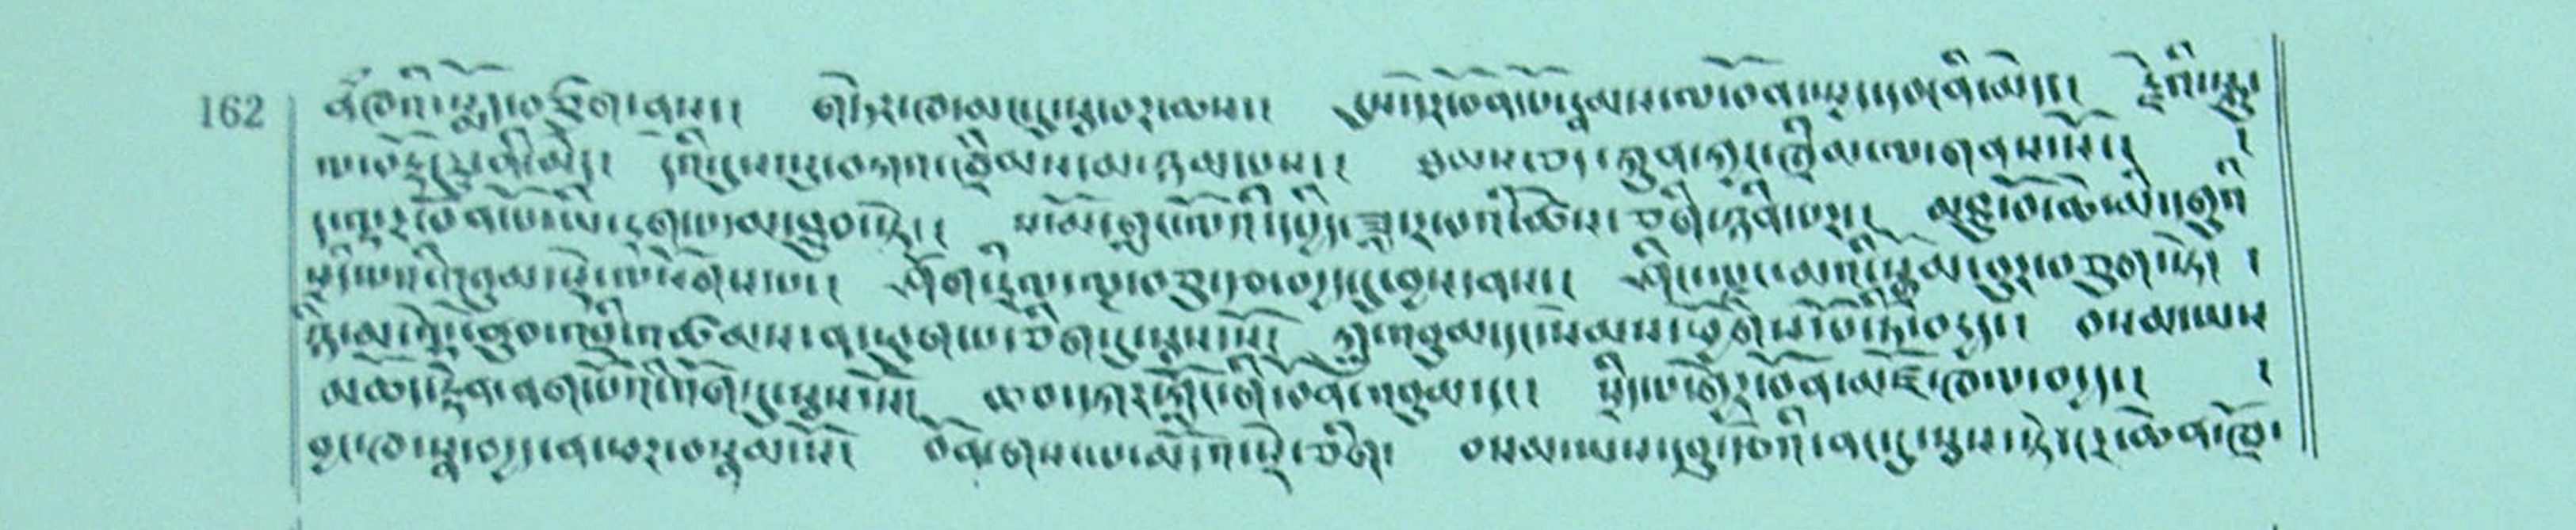ནམ་མཁའི་སྨོད་བཙུགས་ནས། གཏེར་ཁ་མང་དུ་སྦ་བར་ཆས། དུས་དེར་བོན་པོ་རྣམས་ལ་བོན་སྤྱད་དབང་ནི་མེད། རྗེའི་སྐུ་
ལ་བསྡོ་རུ་ནི་མེད། དེའི་དུས་སུ་བཀའ་ཁྲིམས་མ་ཉམས་པས། ཐམས་ཅད་ཀུན་ཀྱང་ཁྲིམས་ལ་གནས་སོ།
།ད་ལྟར་བོན་པོའི་དྲག་པ་མ་ཐུབ་པ་སྟེ། ས་མོ་གླང་གི་ལོའི་དཔྱིད་ཟླ་ར་བའི་ཚེས་གཅིག་ཉིན་པར། མཐུ་བོ་ཆེ་མི་དགུའི་
སྲིད་པའི་འབུམ་སྡེ་ལ་སོགས་པ། ཤོག་དྲིལ་ལྔ་བཅུ་རྩ་བརྒྱད་དུ་བྱས་ནས། ཤིང་ལྗང་མའི་སྒྲོམ་བུར་བཅུག་སྟེ། 
ཉི་མ་ལྷོ་ནུབ་འབྲི་འཚམས་ན་ཕུག་པ་གཅིག་ཏུ་སྦས་སོ། ཀླུ་འབུམ་དང་སེམས་ཕྱོགས་པོ་ཏི་བརྒྱད། བསམ་ཡས་
མཆོད་རྟེན་ནག་པོའི་འོག་ཏུ་སྦས་སོ། །ཆབ་དཀར་ཀློང་གི་བོན་འབུམ་དང་། སྲིད་པའི་གྱེར་བོན་མཛོ་ཁལ་བརྒྱད། 
བྱང་ཁ་སྣ་བརྒྱད་ན་ཕར་བསྣམས་སོ། །བོན་གསང་བ་མདོ་སྡེ་གཅིག བསམ་ཡས་དབུ་རྩེའི་ནང་དུ་སྦས་ཏེ་ངར་ཆེན་ཁྲོ་